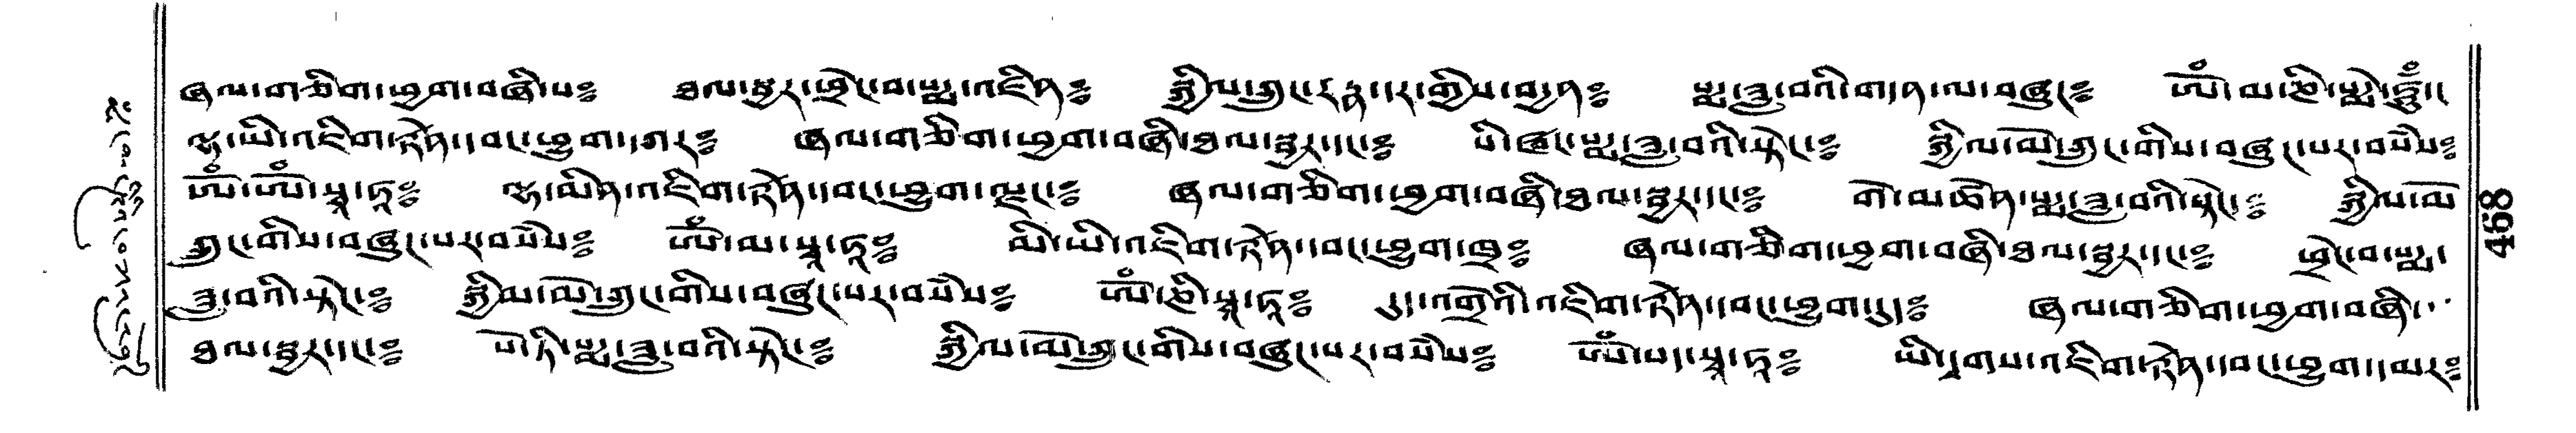ཞལ་གཅིག་ཕྱག་བཞི་པ༔ཐལ་སྦྱར་ཕྲེང་བ་པདྨ་འཛིན༔ སྐྱིལ་ཀྲུང་རཏྣ་དར་གྱིས་བརྒྱན༔ པདྨ་ཟླ་བའི་གདན་ལ་བཞུགས༔ ཨོཾ་མ་ཎི་པདྨེ་ཧཱུྃ། 
ལྷ་ཡི་འཇིག་རྟེན་དབང་ཕྱུག་དཀར༔ ཞལ་གཅིག་ཕྱག་བཞི་ཐལ་སྦྱར་དང༔ པི་ཝང་པདྨ་ཟླ་བའི་སྟེང༔ སྐྱིལ་མོ་ཀྲུང་གིས་བཞུགས་པར་བསམ༔ 
ཨོཾ་ཨོཾ་སྭ་ཧཱ༔ ལྷ་མིན་འཇིག་རྟེན་དབང་ཕྱུག་ལྗང༔ ཞལ་གཅིག་ཕྱག་བཞི་ཐལ་སྦྱར་དང༔ གོ་མཚོན་པདྨ་ཟླ་བའི་སྟེང༔ སྐྱིལ་མོ་
ཀྲུང་གིས་བཞུགས་པར་བསམས༔ ཨོཾ་མ་སྭ་ཧཱ༔ མི་ཡི་འཇིག་རྟེན་དབང་ཕྱུག་ཁྲ༔ ཞལ་གཅིག་ཕྱག་བཞི་ཐལ་སྦྱར་དང༔ ཕྲེང་བ་པདྨ་
ཟླ་བའི་སྟེང༔ སྐྱིམ་མོ་ཀྲུང་གིས་བཞུགས་པར་བསམས༔ ཨོཾ་ཎི་སྭ་ཧཱ༔ དུད་འགྲོའི་འཇིག་རྟེན་དབང་ཕྱུག་དུད༔ ཞལ་གཅིག་ཕྱག་བཞི་
ཐལ་སྦྱར་དང༔ པོ་ཏི་པདྨ་ཟླ་བའི་སྟེང༔ སྐྱིལ་མོ་ཀྲུང་གིས་བཞུགས་པར་བསམས༔ ཨོཾ་པད་སྭ་ཧཱ༔ ཡི་དྭགས་འཇིག་རྟེན་དབང་ཕྱུག་དམར༔